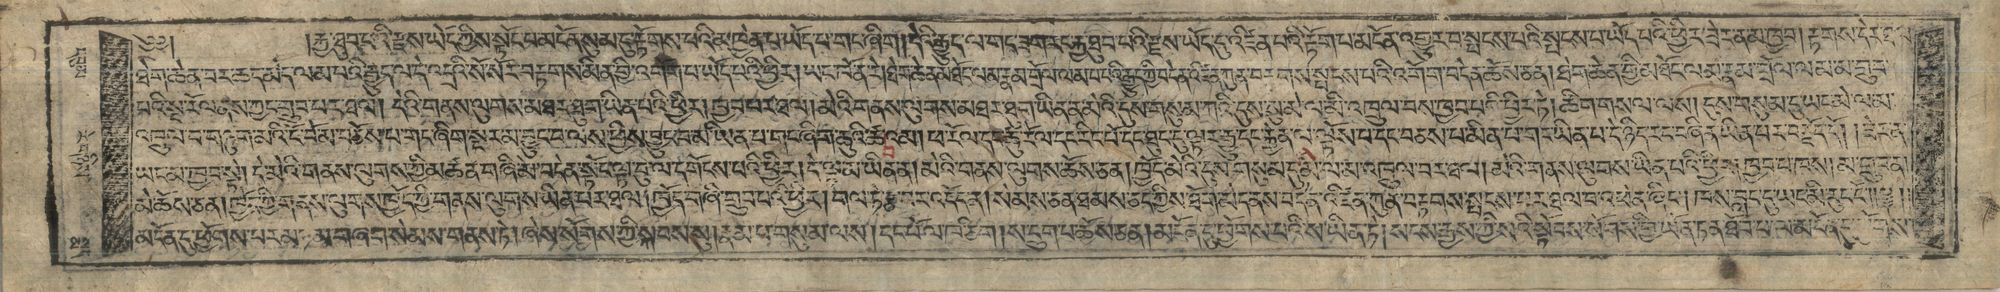༄༅། །རྐྱ་ཐུབ་པའི་རྫས་ཡོད་ཀྱིས་སྟོང་བ་མངོན་སུམ་དུ་རྟོགས་པའི་མཁྱེན་པ་ཡོད་པ་གང་ཞིག ། དེའི་རྒྱུད་ལ་གང་ཟག་རང་རྐྱ་ཐུབ་པའི་རྫས་ཡོད་དུ་འཛིན་པའི་རྟོག་པ་མངོན་འགྱུར་བ་སྤངས་པའི་སྤངས་པ་ཡོད་པའི་ཕྱིར་ཟེར་ན་མ་ཁྱབ། རྟགས་དེར་ཐལ་
ཐེག་ཆེན་བར་ཆད་མེད་ལམ་པའི་རྒྱུད་ལ་དེ་འབྲའིསོ་སོར་བརྟགས་མིན་གྱི་འགོག་པ་ཡོད་པའི་ཕྱིར། ཡང་ཁོ་ན་རེ། ཐེག་ཆེན་མཐོང་ལམ་རྣམ་གྲོལ་ལམ་པ་བའི་རྒྱུད་ཀྱི་བདེན་འཛིན་ཀུན་བརྟགས་སྤངས་པའི་འགོག་བདེན་ཆོས་ཅན། ཐེག་ཆེན་གྱི་མཐོང་ལམ་རྣམ་གྲོལ་ལམ་མ་གྲུབ་
པའི་སྔ་རོལ་ནས་ཀྱང་གྲུབ་པར་ཐལ། དེའི་གནས་ལུགས་མཐར་ཐུག་ཡིན་པའི་ཕྱིར། ཁྱབ་པར་ཐལ། མེའི་གནས་ལུགས་མཐར་ཐུག་ཡིན་ན་མེའི་དུས་གསུམ་ཀའི་དུས་སུ་མེ་ལ་མི་ལ་འཁྲུལ་བས་ཁྱབ་པའི་ཕྱིར་ཏེ། ཚིག་གསལ་ལས། དུས་གསུམ་དུ་ཡང་མེ་ལམ་
འཁྲུལ་བ་གཉུག་མའི་ངོ་བོ་མ་བཅོས་པ་གང་ཞིག་སྔར་མ་བྱུང་བ་ལས་ཕྱིས་བྱུང་བ་མ་ཡིན་པ་གང་ཞིག་ཆུའི་ཚ་བ་འམ། ཕ་རོལ་དང་ཚུ་རོལ་དང་རིང་པོ་དང་ཐུན་དུ་ལྟར་རྒྱུ་དང་རྐྱེན་ལ་ལྟོས་པ་དང་བཅས་པ་མིན་པ་གང་ཡིན་པ་དེ་ཉིད་རང་བཞིན་ཡིན་པར་བརྗོད་དོ། །ཟེར་ན་
ཡང་མ་ཁྱབ་སྟེ། དེ་མེའི་གནས་ལུགས་ཀྱི་མཚན་གཞི་མེ་བདེན་སྟོང་ལྟ་བུ་ལ་དགོངས་པའི་ཕྱིར། དེ་ལྟ་མ་ཡིན་ན། མེའི་གནས་ལུགས་ཆོས་ཅན། ཁྱོད་མེའི་དུས་གསུམ་དུ་མེ་ལམ་འཁྲུལ་བར་ཐལ། མེའི་གནས་ལུགས་ཡིན་པའི་ཕྱིར། ཁྱབ་པ་ཁས། མ་གྲུབ་ན།
མེ་ཆོས་ཅན། ཁྱོད་ཀྱི་གནས་ལུགས་ཁྱོད་ཀྱི་གནས་ལུགས་ཡིན་པར་ཐལ། ཁྱོད་གཞི་གྲུབ་པའི་ཕྱིར། གལ་ཏེ་རྩ་བར་འདོད་ན། སེམས་ཅན་ཐམས་ཅད་ཀྱིས་ཐོག་མེད་ནས་བདེན་འཛིན་ཀུན་བརྟགས་སྤངས་པར་ཐལ་བ་འཕེན་ཞིང་། ཁས་བླང་དུ་ཡང་མི་རུང་ངོ། ༈ །
མངོན་དུ་ཕྱོགས་པར་མཉམ་བཞག་སེམས་གནས་ཏེ། ཞེས་སོགས་ཀྱི་སྐབས་སུ། རྣམ་པ་གསུམ་ལས། དང་པོ་ལ། ཁ་ཅིག ། ས་དྲུག་པ་ཆོས་ཅན། མངོན་དུ་ཕྱོགས་པའི་ས་ཡིན་ཏེ། སངས་རྒྱས་ཀྱི་སའི་སྡོབསྶོགས་ཀྱི་ཡོན་ཏན་ཐོབ་པ་ལ་མངོན་དུ་ཕྱོགས་